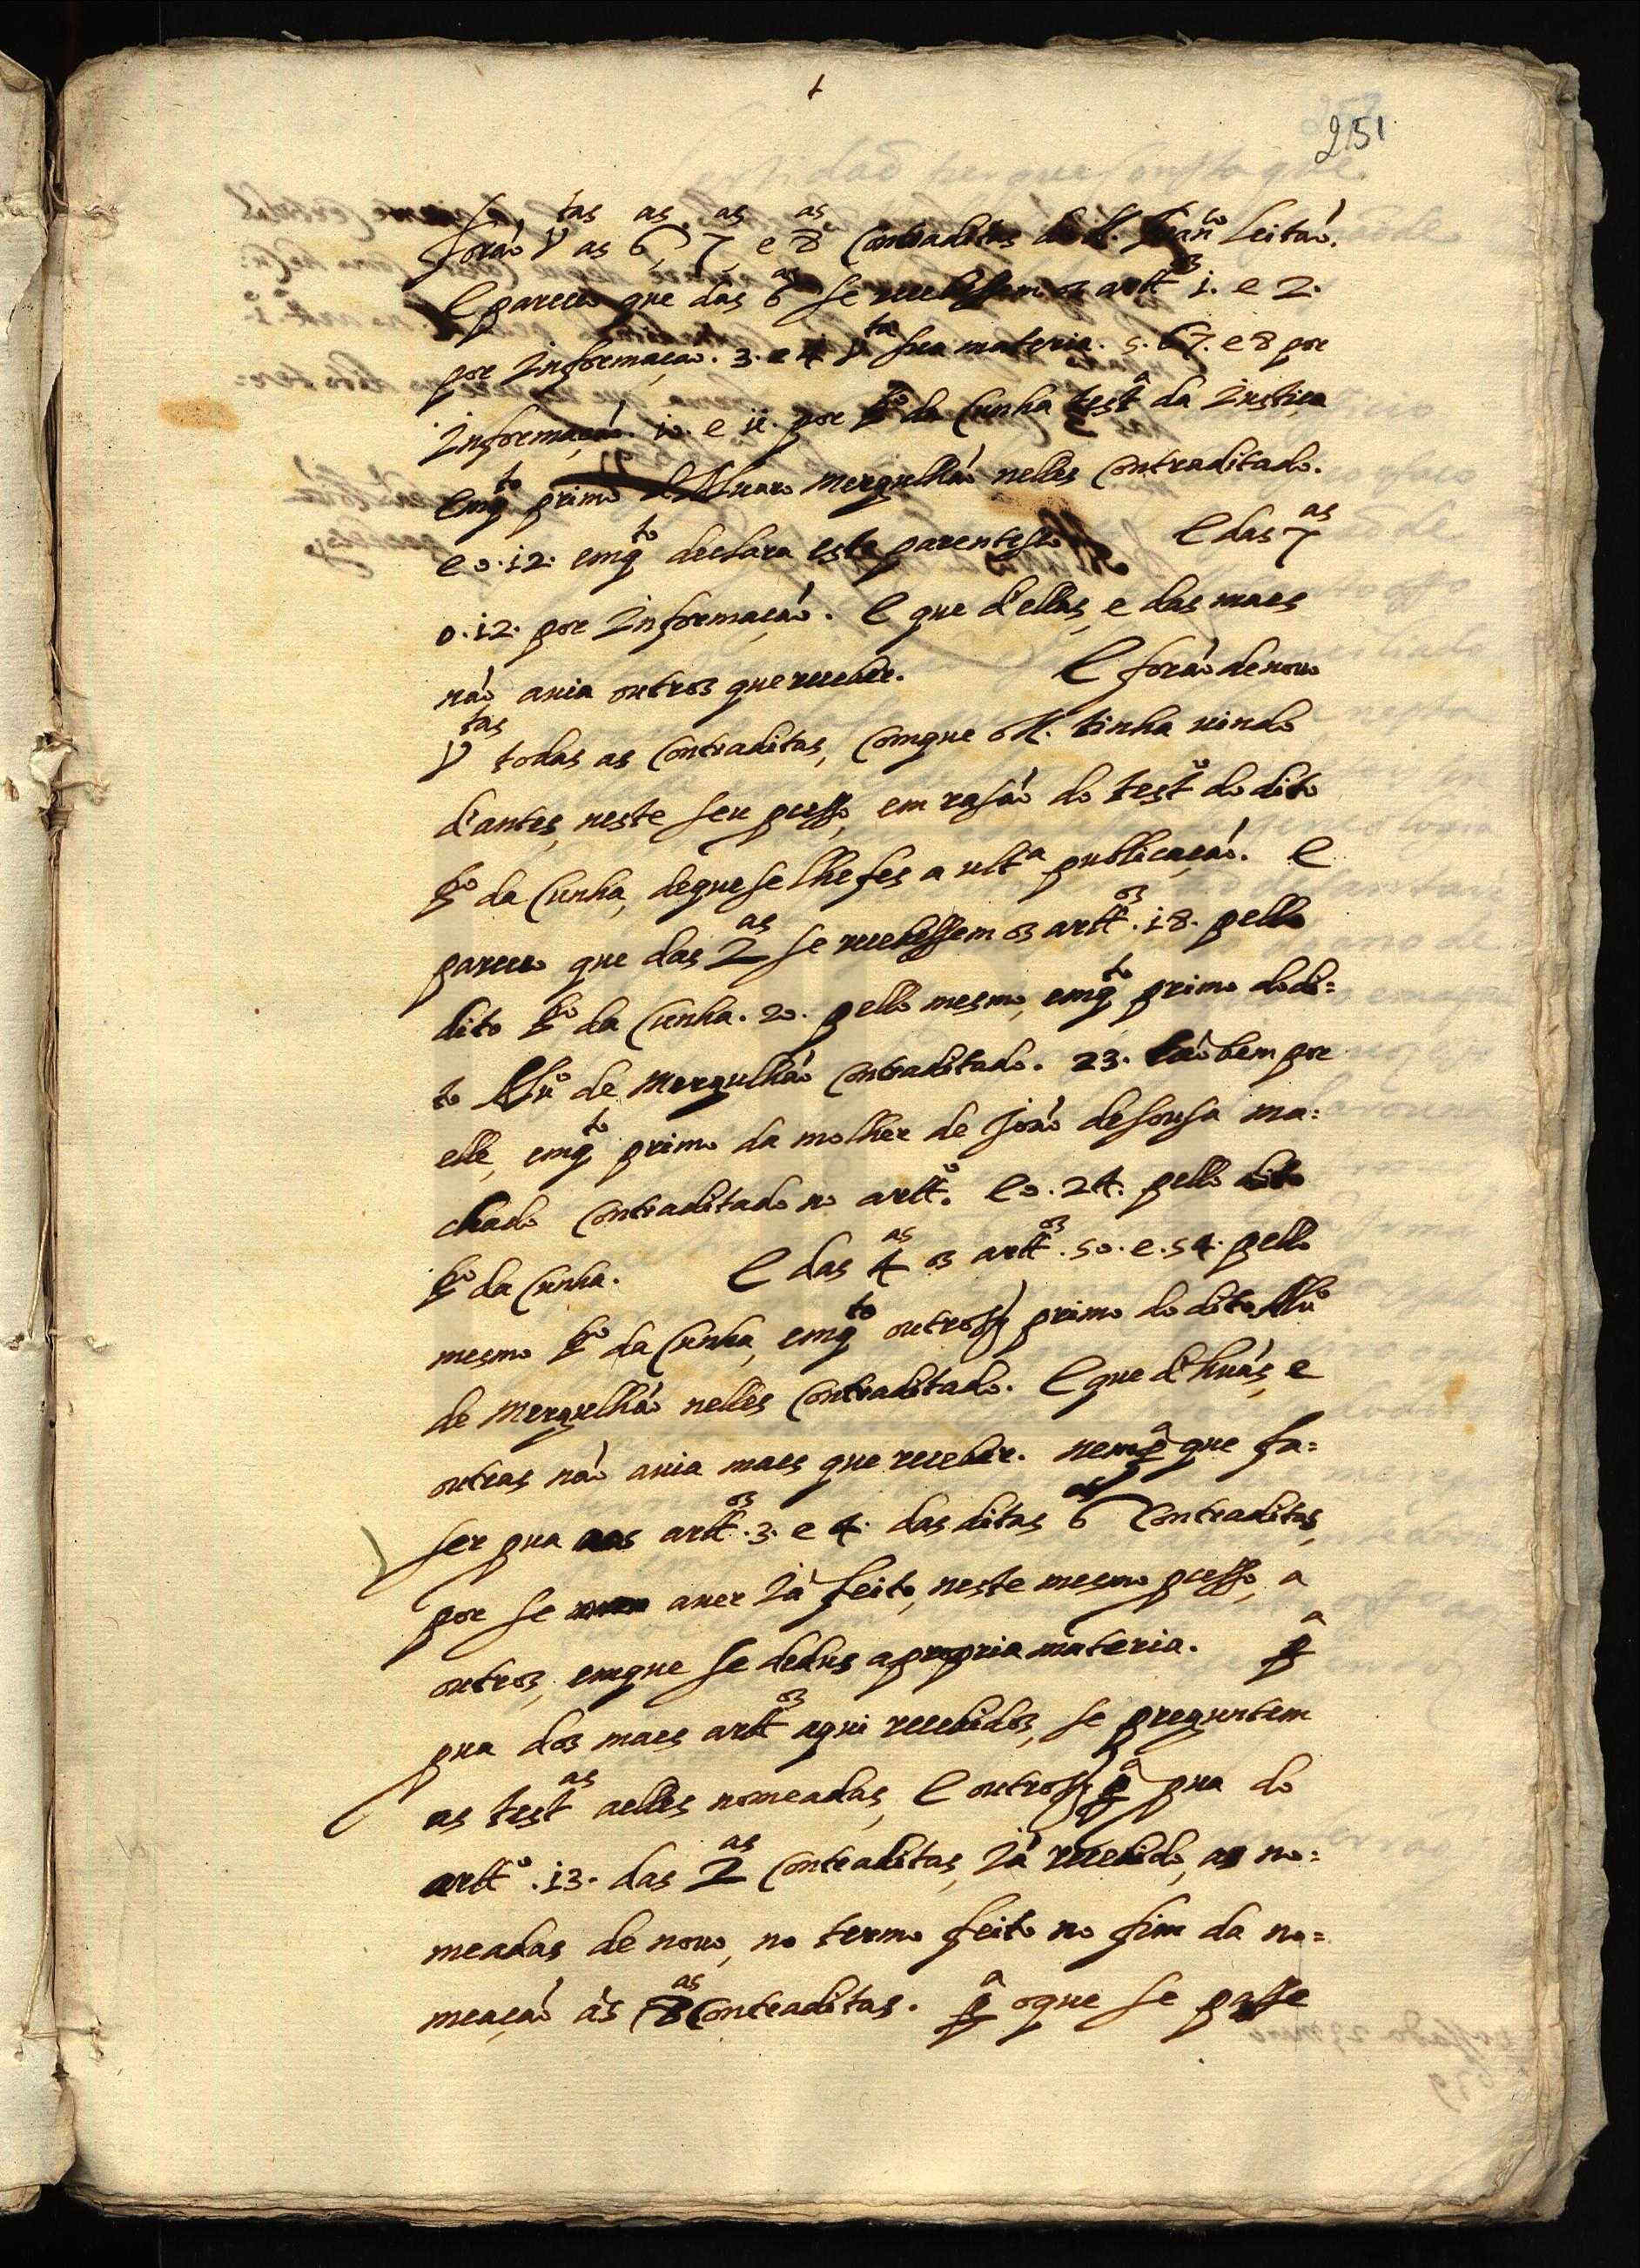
Foraõ Vtas as 6as, 7as, e 8as Contradictas do R. Franco Leitaõ.
E pareceo que das 6as se recebessem os arttos i. e 2.
por Informaçaõ. 3. e 4 Vta sua materia. 5. 6. 7. e 8 por
Informaçaõ. io. e ii. por Po da Cunha testa da Iustiça
emqto primo de Aluaro mergulhaõ nelles Contraditado.
e o .i2. emqto declara este parentesco E das 7as
o .i2. por Informação. E que d'ellas, e das maes
naõ auia outros que receber. E foraõ de nouo
Vtas todas as Contraditas, Com que o R. tinha uindo
d'antes, neste seu ꝓcesso, em rasaõ do testo do dito
Po da Cunha, de que se lhe fes a ulta publicaçaõ. E
pareceo que das 2as se recebessem os arttos. i8. pello
dito Po da Cunha. 20. pello mesmo, emqto primo do di
to Aluo de mergulhaõ Contraditado. 23. taõbem por
elle, emqto primo da molher de Joaõ de sousa ma
chado Contraditado no artt.o e o. 24. pello dito
Po da Cunha. E das 4as os arttos. 50. e .54. pello
mesmo Po da Cunha, emqto outrosy primo do dito Aluo
de mergulhaõ nelles Contraditado. E que d'huās, e
outras naõ auia maes que receber. nem pa que fa
ser ꝓua aos arttos. 3. e 4. das ditas 6as contraditas,
por se auer Iá feito, neste mesmo ꝓcesso, a
outros, em que se dedus a propria materia. ꝑa
ꝓua dos maes arttos aqui recebidos, se preguntem
as testas a elles nomeadas, e outrosy ꝑa ꝓua do
artto. i3. das 2as Contraditas, Iá recebido, as no
meadas de nouo, no termo feito no fim da no
meaçaõ as 8as contraditas. ꝑa o que se passe
